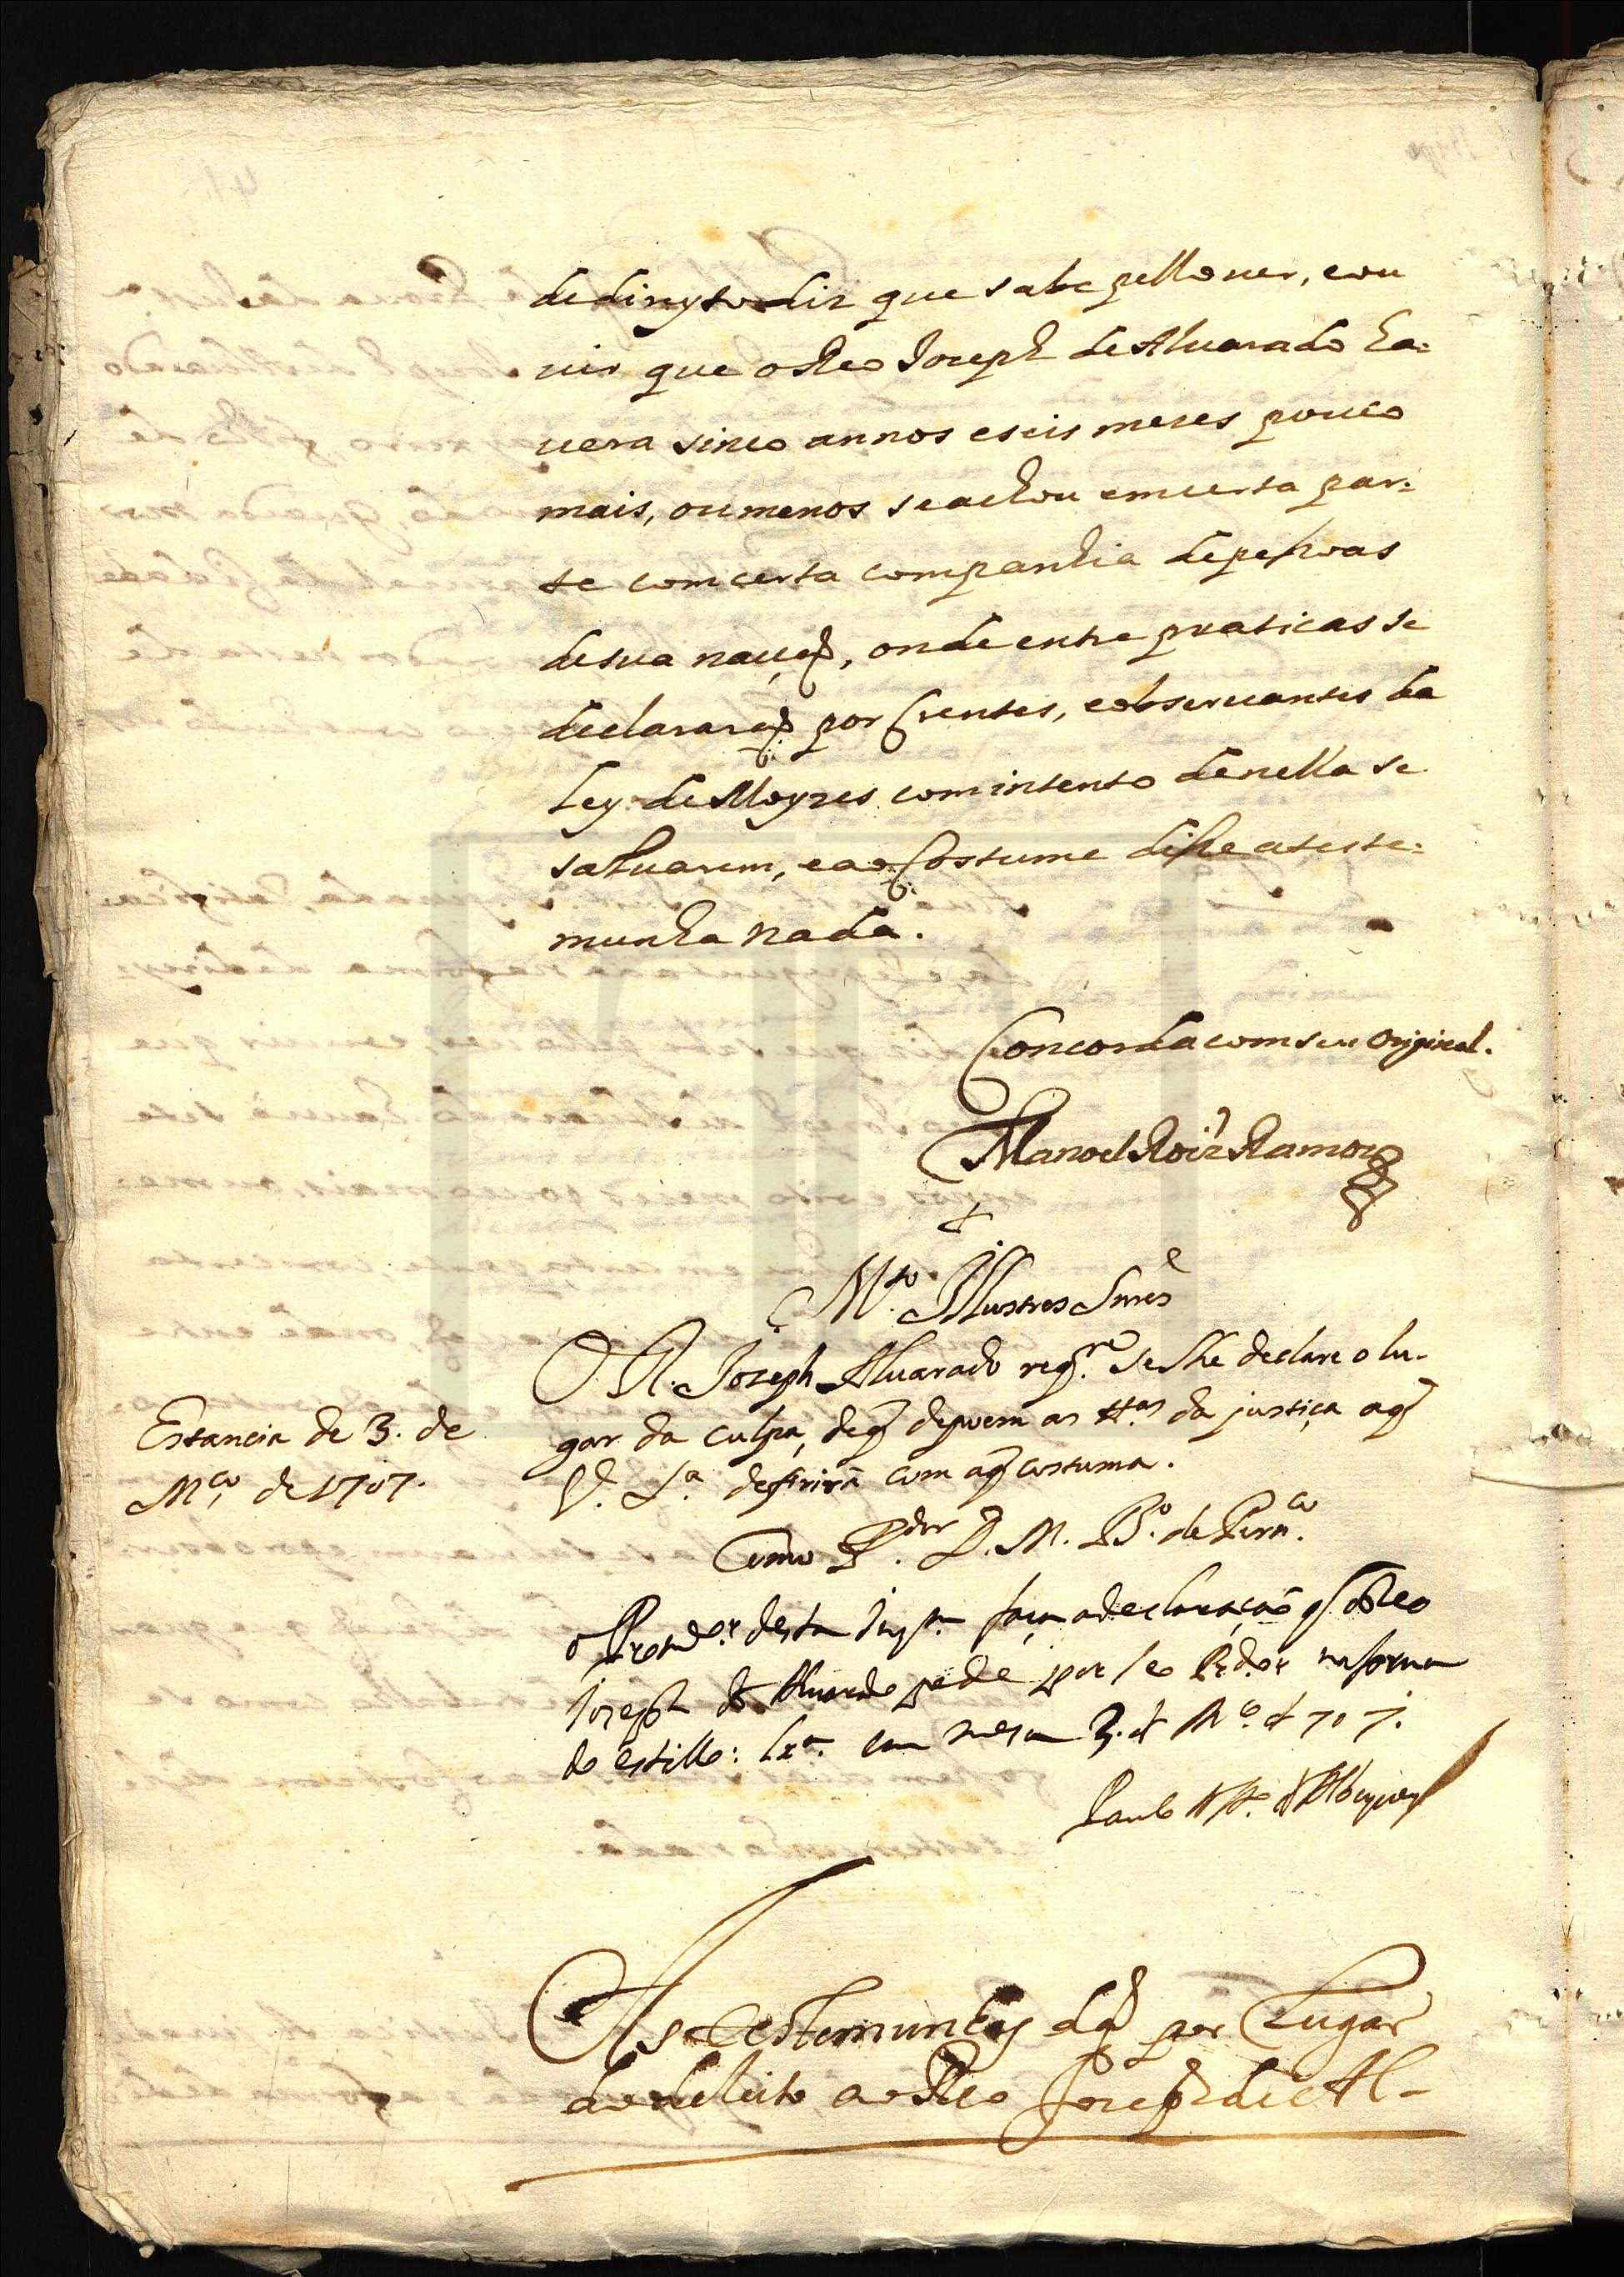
Estancia de 3. de
Mço de 1707.
de direyto diz que sabe pello uer, e ou
uir que o Reo Iozeph de Aluarado ha
uera sinco annos e seis mezes pouco
mais, ou menos se achou em certa par
te com certa companhia de pessoas
de sua nacçaõ, onde entre praticas se
declararaõ por Crentes, e obseruantes da
Ley de Moyzes com intento de nella se
saluarem, e ao Costume disse a teste
munha nada.
Concorda com seu original.
Manoel Roiz̄ Ramoz
M.to Illustres Snres̄
O R. Iozeph Aluarado req.re se lhe declare o lu
gar da culpa, de q̄ depoem as tt.as da justiça a q̄
V. S.a defirirà com a q̄ costuma.
Como P.dor V. M. B.o de Pern.co
o Prom.tor desta Inq.m faça a declaraçaõ q̄ o Reo
Iozeph d̄ Aluarado pede por seo Pr.dor na forma
do estillo: Lxa. em mesa 3. d̄ M.ço d̄ 707.
Paulo Aff.o d̄ Albuquerq̄
As testemunhas daõ por Lugar
do delicto ao Reo Jozeph de Al
